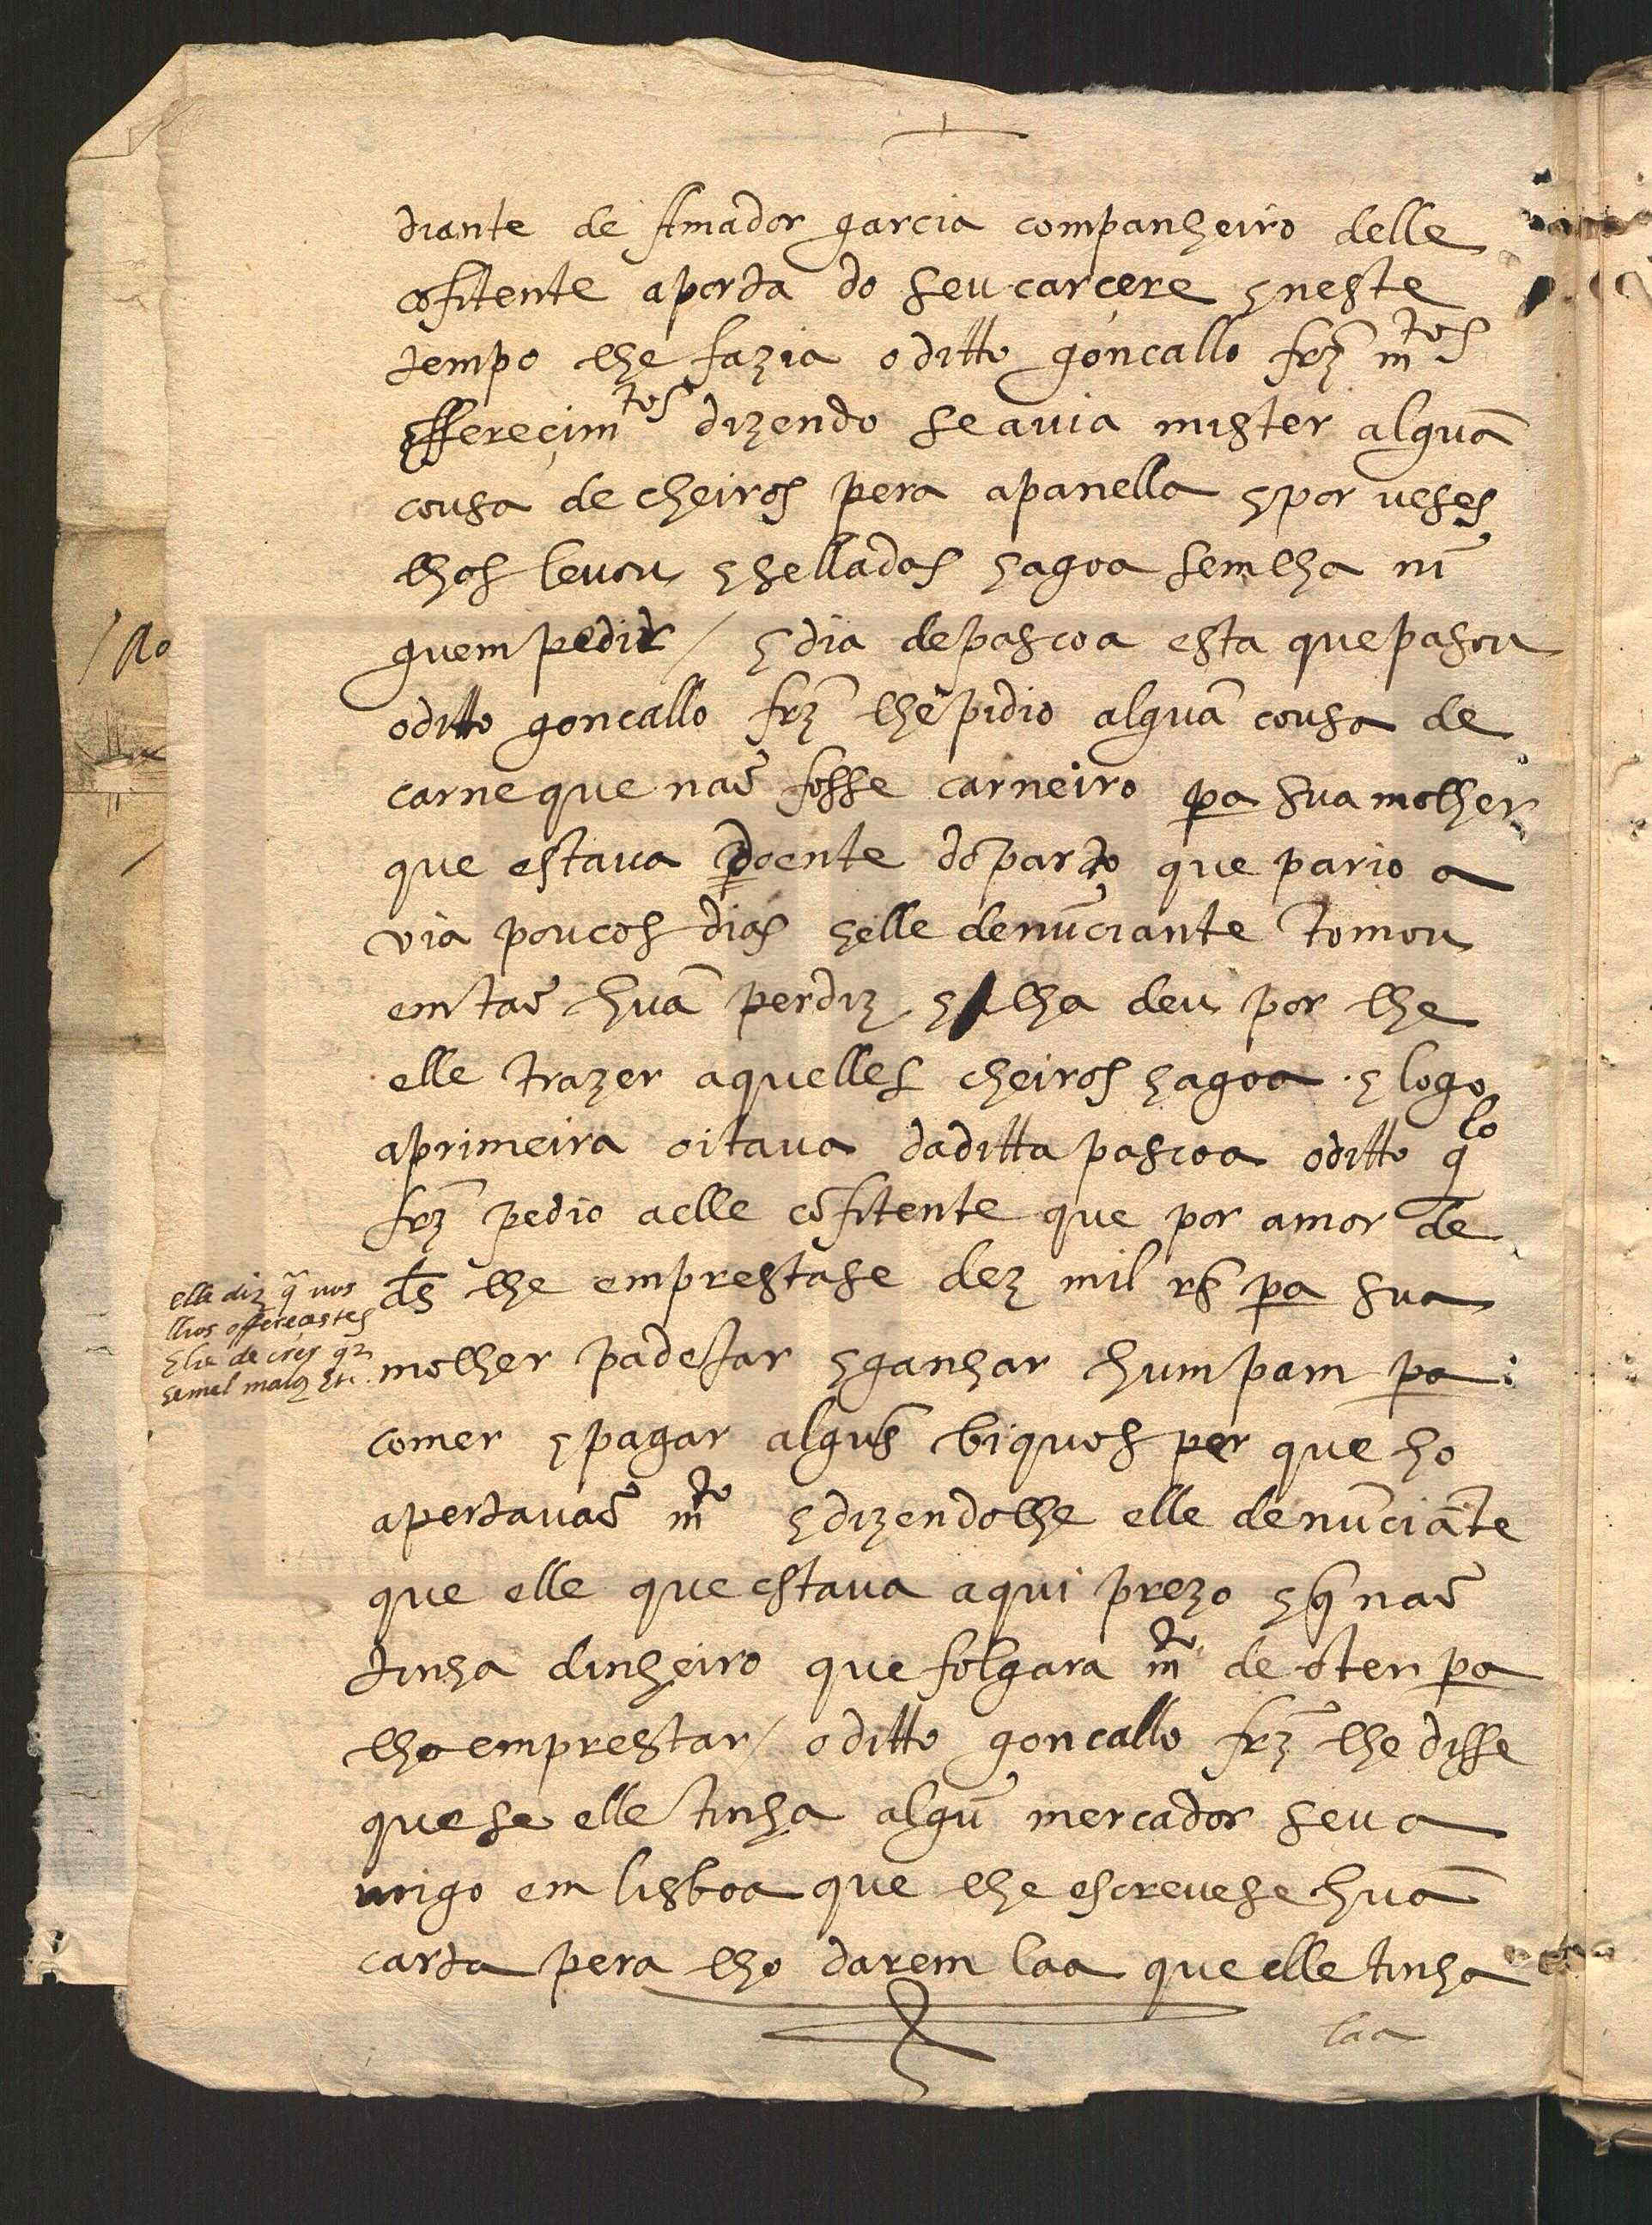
ella diz q̄ uos
lhos offerecestes
E he de crer q̄
he mal malꝯ Etc.
diante de Amador garcia companheiro delle
cōfitente a porta do seu carcere E neste
tempo lhe fazia o ditto gonçallo frz̄ mtos
offerecimtos dizendo se auia mister alguā
cousa de cheiros pera a panella E por ueses
lhos leuou E selladas E agoa sem lha nī
guem pedir / E dia de pascoa esta que pasou
o ditto gonçallo frz̄ lhe pidio alguā cousa de
carne que naõ fosse carneiro ꝑa sua molher
que estaua doente do parto que pario a
via poucos dias E elle denūciante tomou
emtaõ huā perdiz E lha deu por lhe
elle trazer aquelles cheiros E agoa. E logo
a primeira oitaua da ditta pascoa o ditto gco
frz̄ pedio a elle cōfitente que por amor de
d̄s lhe emprestase dez mil rs̄ ꝑa sua
molher padeJar E ganhar hum pam ꝑa
comer E pagar algūs biquos per que ho
apertauaõ mto E dizendolhe elle denūciāte
que elle que estaua aqui prezo E q̄ naõ
tinha dinheiro que folgara mto de o ter ꝑa
lho emprestar / o ditto gonçallo frz̄ lhe disse
que se elle tinha algū mercador seu a
migo em lisboa que lhe escreuese huā
carta pera lho darem laa que elle tinha
laa
